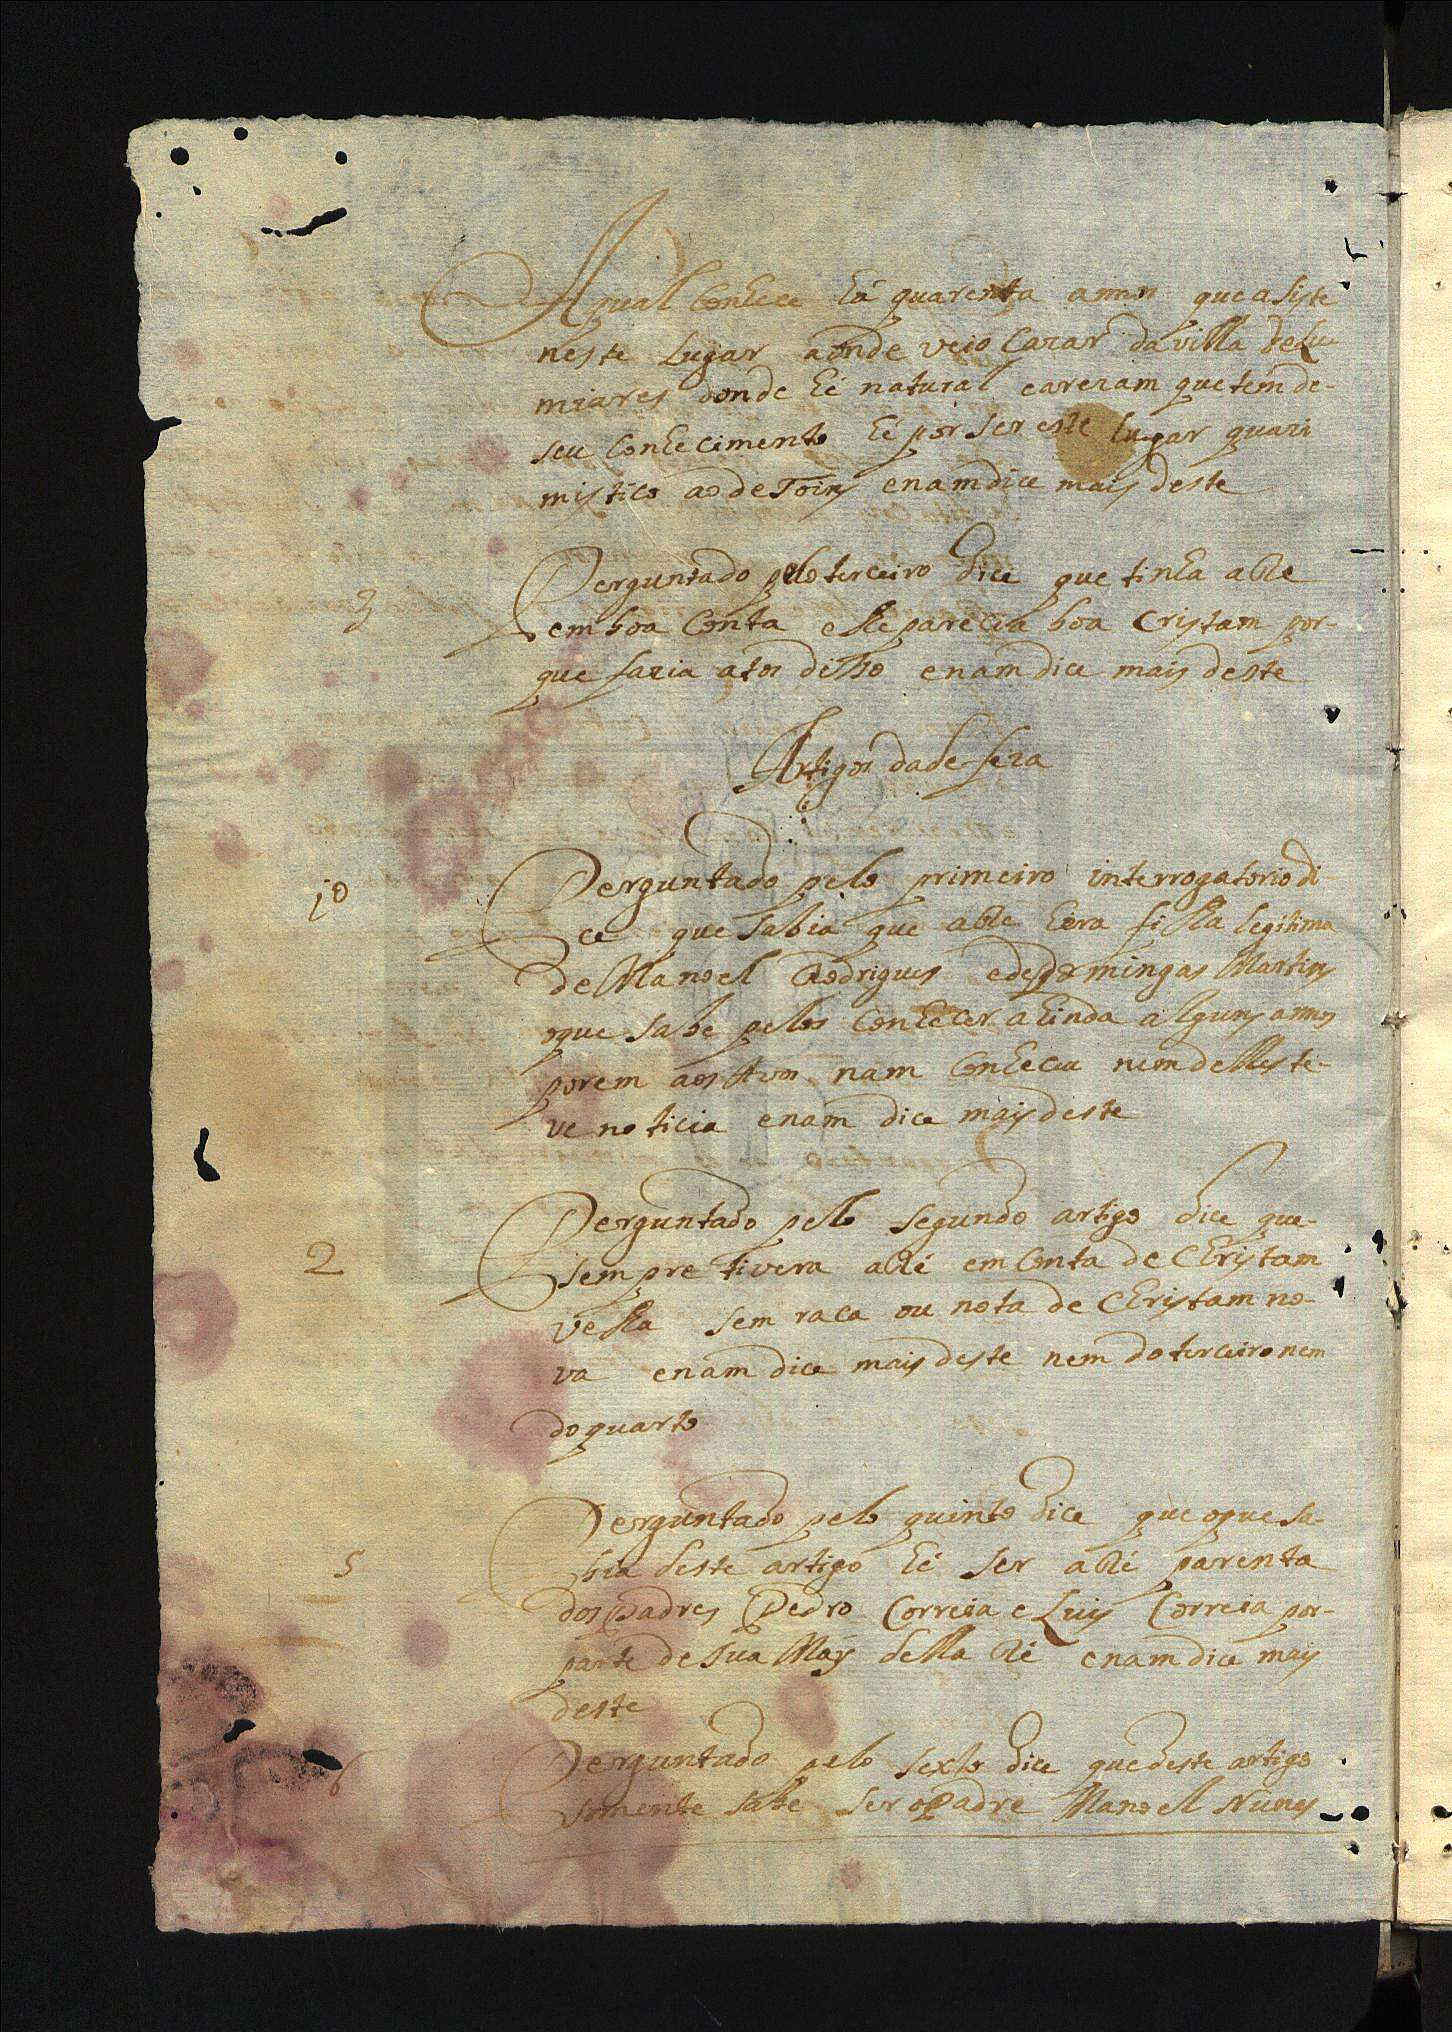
A qual Conhece há quarenta annos que asiste
neste Lugar aonde veio cazar da villa de Lu
miares donde hé natural e a rezam que tem de
seu conhecimento hé por ser este lugar quazi
mistico ao de Toins e nam dice mais deste
Perguntado pelo terceiro dice que tinha a Re
em boa Conta e lhe parecia boa cristam por
que fazia atos disso e nam dice mais deste
Artigos da defeza
Perguntado pelo primeiro interrogatorio di
ce que sabia que a Re hera filha legitima
de Manoel Rodrigues e de Domingas Martins
o que sabe pelos conhecer ahinda alguns annos
porem aos Avos nam Conheceu nem delles te
ve noticia e nam dice mais deste
Perguntado pelo Segundo artigo dice que
sempre tivera a Ré em conta de Christam
Velha sem raca ou nota de Christam no
va e nam dice mais deste nem do terceiro nem
do quarto
Perguntado pelo quinto dice que o que sa
bia deste artigo hé ser a Ré parenta
dos padres Pedro Correia e Luis Correia por
parte de sua May della Ré e nam dice mais
deste
Perguntado pelo sexto dice que deste artigo
somente sabe ser o padre Manoel Nunes
